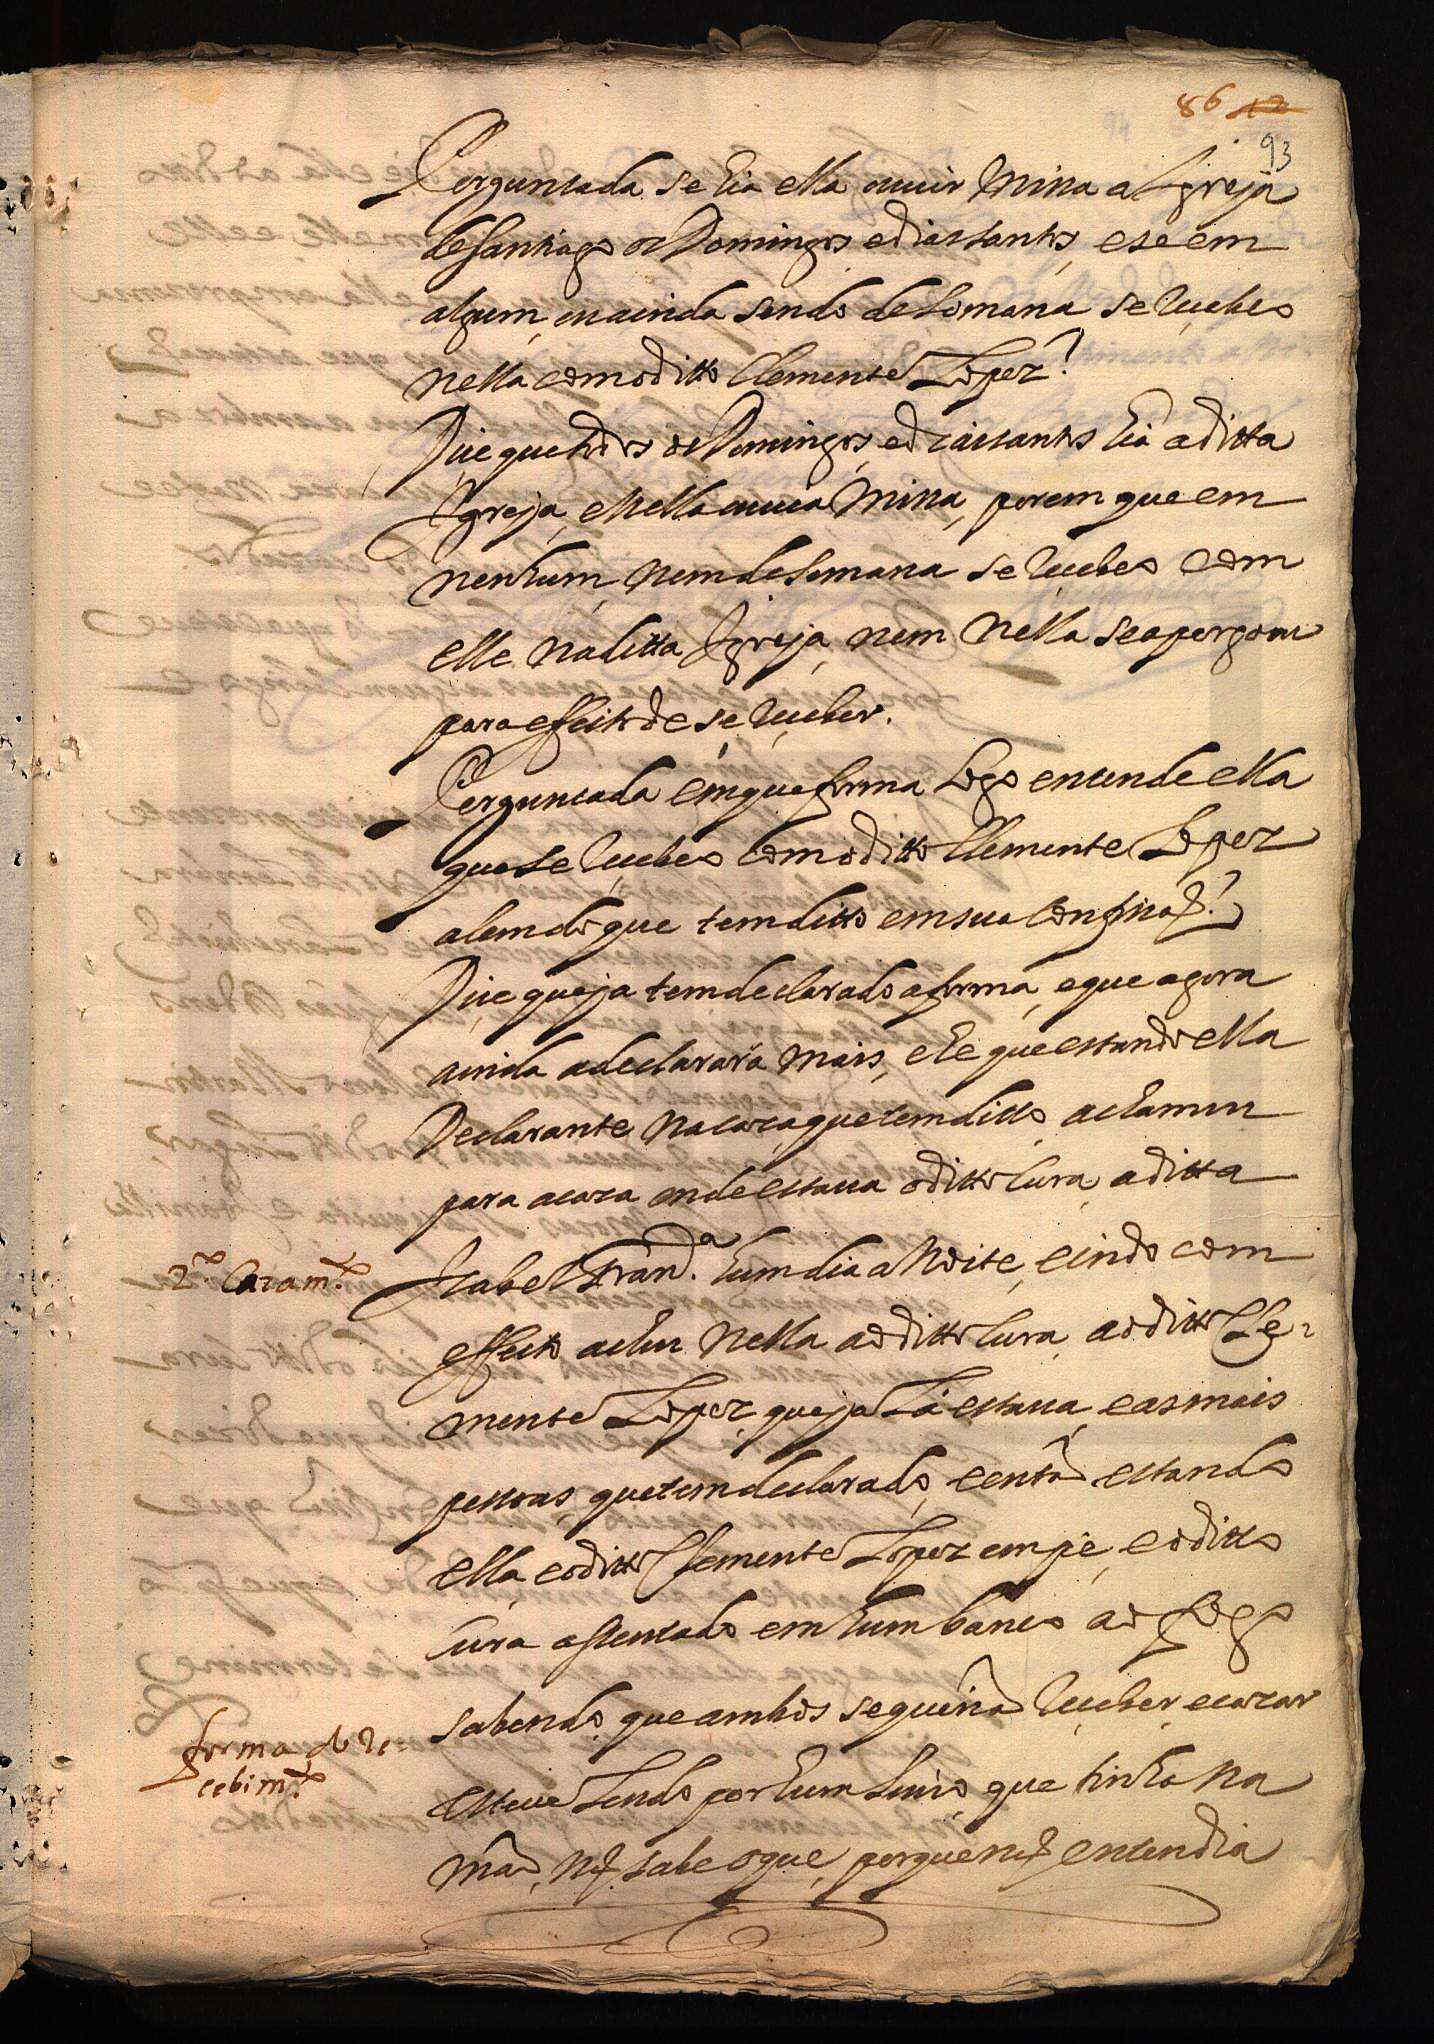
Perguntada se hia ella ouuir missa a Igreja
de Santiago os Domingos e dias santos, e se em
algum, ou ainda sendo de somana se Reçebeo
nella com o ditto Clemente Lopez?
Diçe que todos os Domingos, e dias santos hia a ditta
Jgreja, e nella ouuia missa, porem que em
nenhum, nem de semana se Reçebeo com
elle na ditta Igreja, nem nella se apergoou
para effeito de se reçeber.
Perguntada em que forma logo entende ella
que se Reçebeo com o ditto Clemente Lopez
alem do que tem ditto em sua confissaõ?
Diçe que ja tem declarado a forma, e que agora
ainda a declarara mais, e he que estando ella
Declarante na caza, que tem ditto, a chamou
para a caza onde estaua o ditto Cura, a ditta
Jzabel Fran.ca hum dia a noite, e indo com
effeito achou nella ao ditto Cura, ao ditto Cle
mente Lopez, que ja Lá estaua, e as mais
pessoas, que tem declarado, e entaõ estando
ella, e o ditto Clemente Lopez em pé, e o ditto
Cura assentado em hum banco ao fogo
sabendo, que ambos se queriaõ Reçeber, e cazar
esteue Lendo por hum Liuro, que tinha na
maõ, naõ sabe o que, porque naõ entendia
2.o Cazam.to
forma do Re
cebim.to
